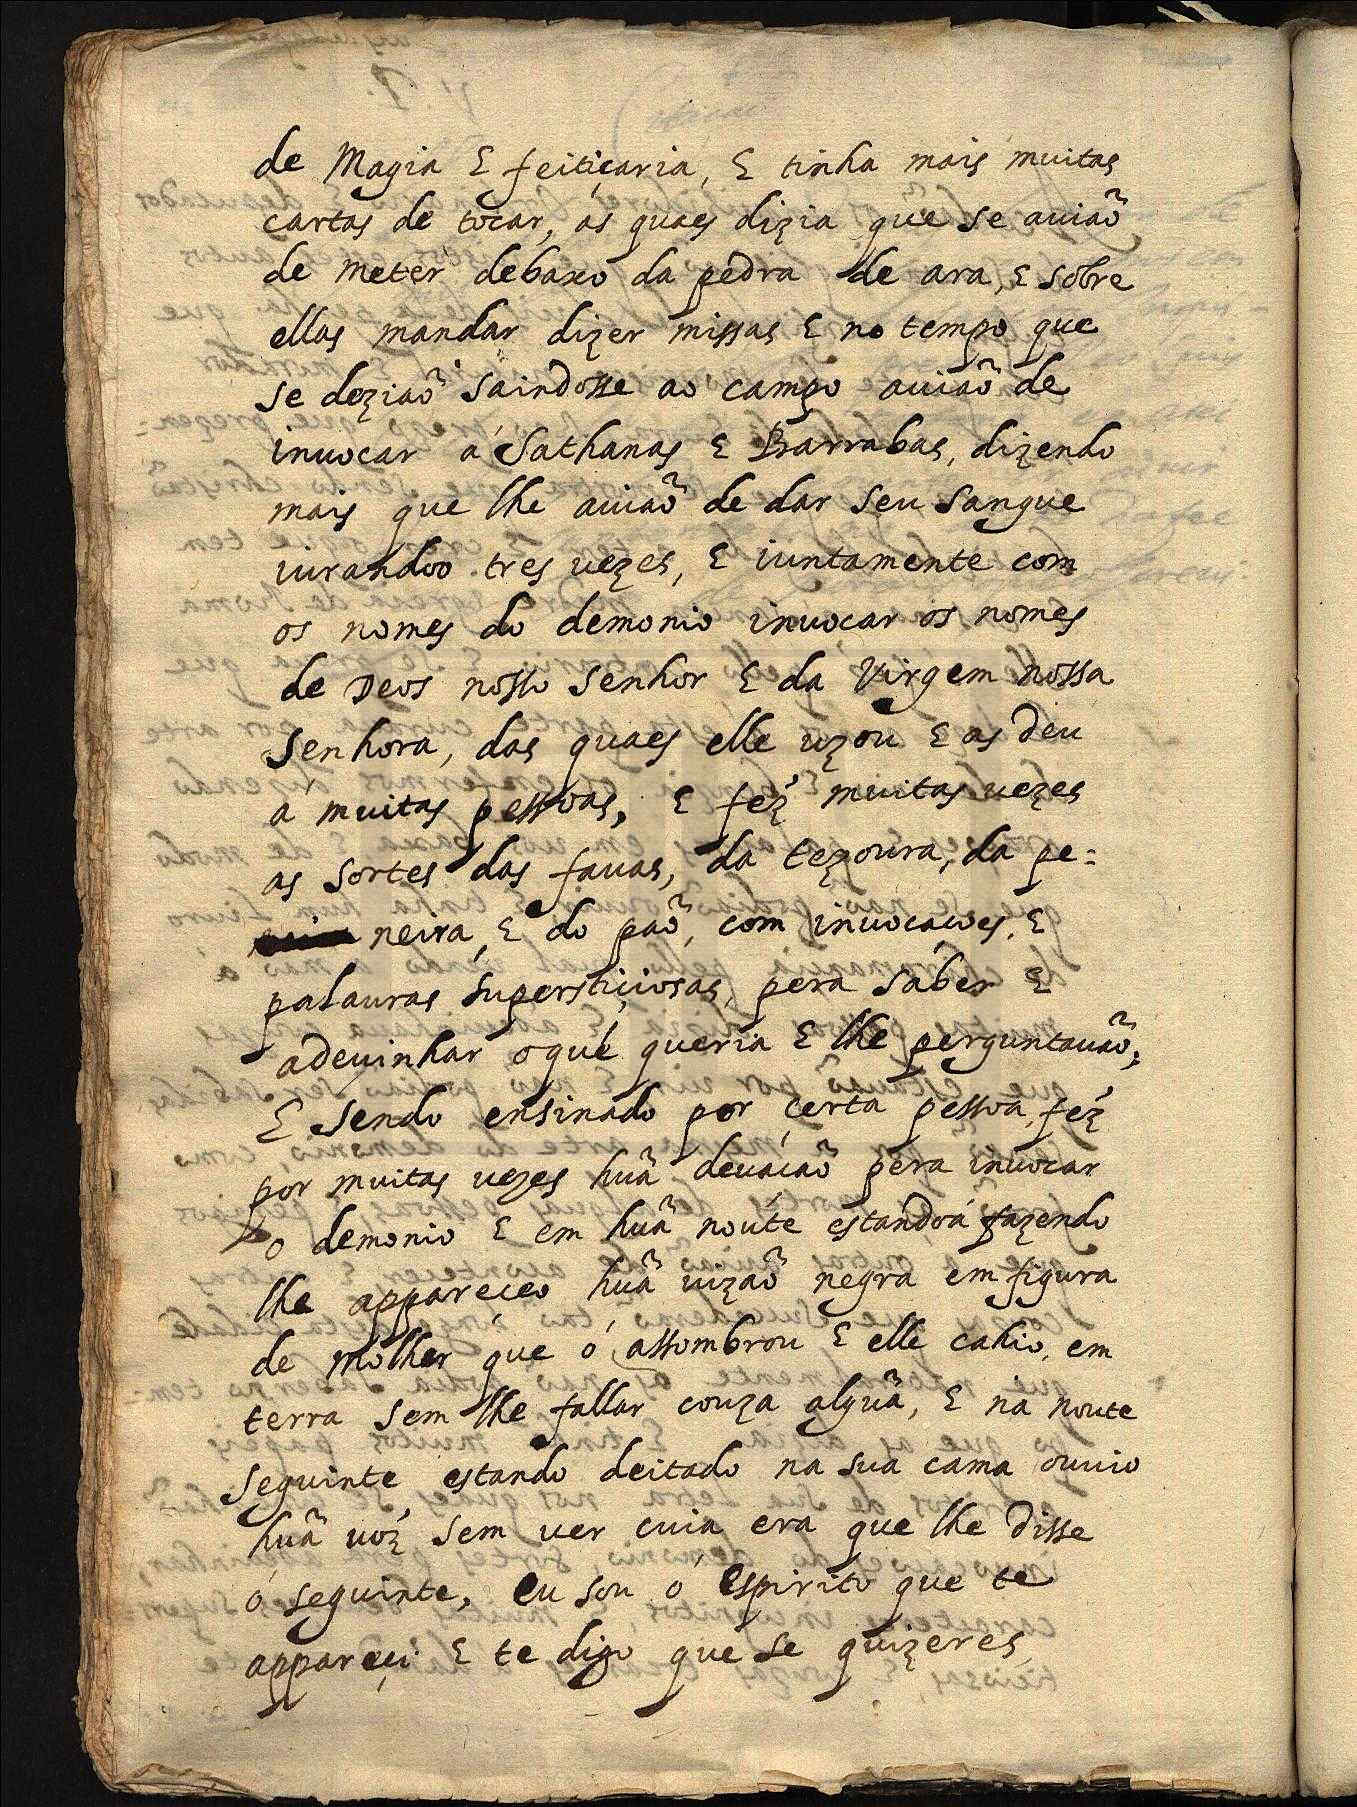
de Magia e feitiçaria, e tinha mais muitas
cartas de tocar, as quaes dizia que se auiaõ
de meter debaxo da pedra de ara, e sobre
ellas mandar dizer missas e no tempo que
se deziaõ saindosse ao campo auiaõ de
inuocar a Sathanas e Barrabas, dizendo
mais que lhe auiaõ de dar seu sangue
iurando o tres uezes, e iuntamente com
os nomes do demonio inuocar os nomes
de Deos nosso Senhor e da Virgem nossa
Senhora, das quaes elle uzou e as deu
à muitas pessoas, e fez̄ muitas uezes
as sortes das fauas, da tezoura, da pe
neira, e do paõ, com inuocaçoes, e
palauras superstiçiosas, pera saber e
adeuinhar o que queria e lhe perguntauaõ,
e sendo ensinado por çerta pessoa, fez̄
por muitas vezes huã deuoçaõ pera inuocar
o demonio e em huã noute estandoa fazendo
lhe appareçeo huã uizaõ negra em figura
de molher que o assombrou e elle cahio em
terra sem lhe fallar couza alguã, e na noute
seguinte estando deitado na sua cama ouuio
huã uoz sem uer cuia era que lhe disse
o seguinte, eu sou o espirito que te
appareçi e te digo que se quizeres,
